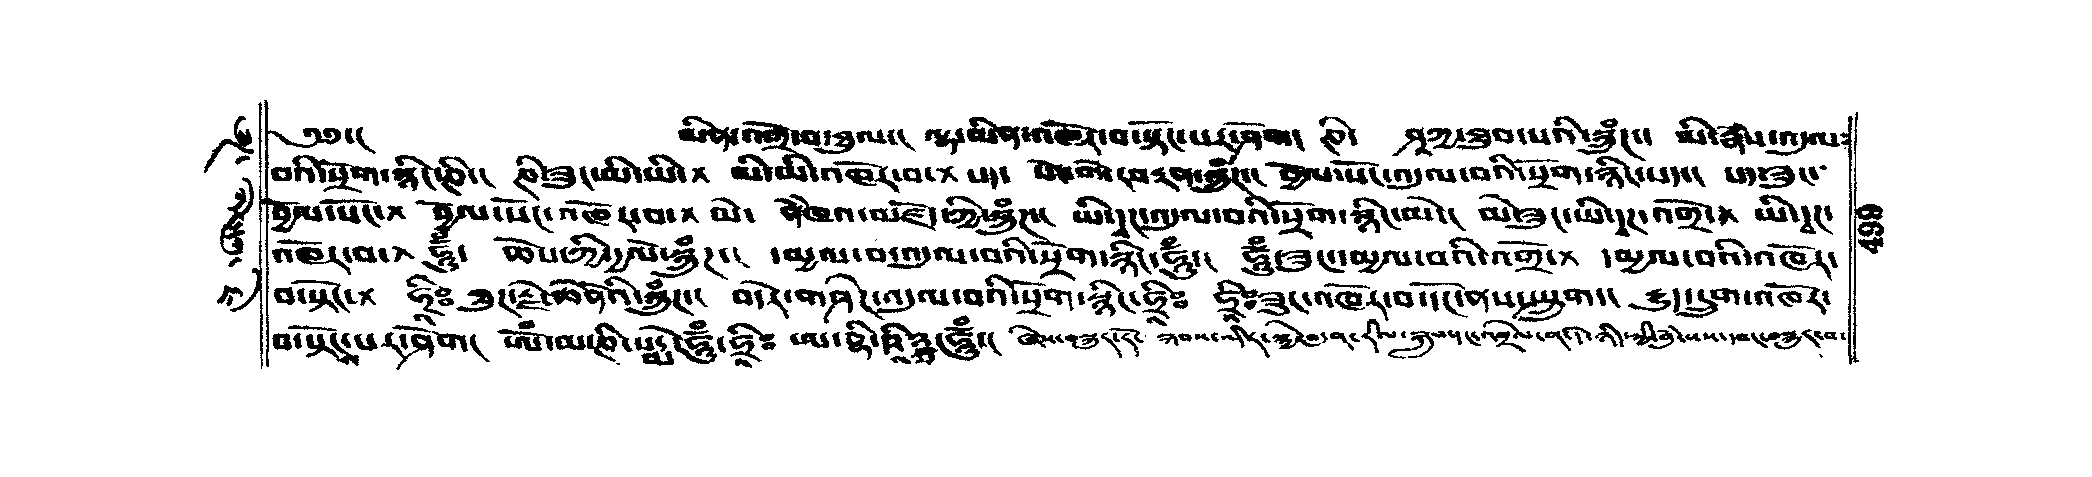མིན་འགྲོ་བ་ཐུལ། །ལྷ་མིན་འཁོར་བ་སྟོང་པར་ཤོག་།ཎི། ཤཱཀྱ་ཐུབ་པའི་སྐུ་གསུང་ཐུགས། །མི་རྣམས་འདུལ་
པའི་སྲོག་རྙིང་ཎི། །ཎི་ཟུང་མི་ཡི་༴ མི་ཡི་འཁོར་བ་༴ པད། སེང་གེ་རབ་བརྟན་སྐུ་གསུང་ཐུགས། །བྱོལ་སོང་འདུལ་པའི་སྲོག་རྙིང་པད། །པད་ཟུང་
བྱོལ་སོང་༴ བྱོལ་སོང་འཁོར་བ་༴ མེ། ནམ་མཁའ་མཛོད་ཀྱི་སྐུ་གསུང་ཐུགས། །ཡི་དྭགས་འདུལ་པའི་སྲོག་རྙིང་མེ། །མེ་ཟུང་ཡི་དྭགས་འགྲོ་༴ཡི་དྭགས་
འཁོར་བ་༴ ཧཱུྃ། ཆོས་ཀྱི་རྒྱལ་པོ་སྐུ་གསུང་ཐུགས། །དམྱལ་བ་འདུལ་བའི་སྲོག་རྙིང་ཧཱུྃ། །ཧཱུྃ་ཟུང་དམྱལ་བའི་འགྲོ་༴ དམྱལ་བའི་འཁོར་
བ་སྟོང་༴ ཧྲཱིཿ ཐུགས་རྗེ་ཆེན་པོའི་སྐུ་གསུང་ཐུགས། །བདེར་བཤེགས་འདུལ་བའི་སྲོག་རྙིང་ཧྲཱིཿ ཧྲཱི་ཟུང་འཁོར་བ་དོང་ནས་སྤྲུག་རྒྱུད་དྲུག་འཁོར་
བ་སྟོང་པར་ཤོག་ཨོྃ་མ་ཎི་པདྨེ་ཧཱུྃ་ཧྲཱིཿ ཨ་བྷི་རཱིཉྩ་ཧཱུྃ། ཞེས་བསྐུར་རོ། སྐབས་འདིར་སྐྱེ་བདུན་རིལ་སྒྲུབ་དང་འབྲེལ་ན་དེ་ཉིད་ཀྱི་བུམ་པས་དབང་བསྐུར་བ་